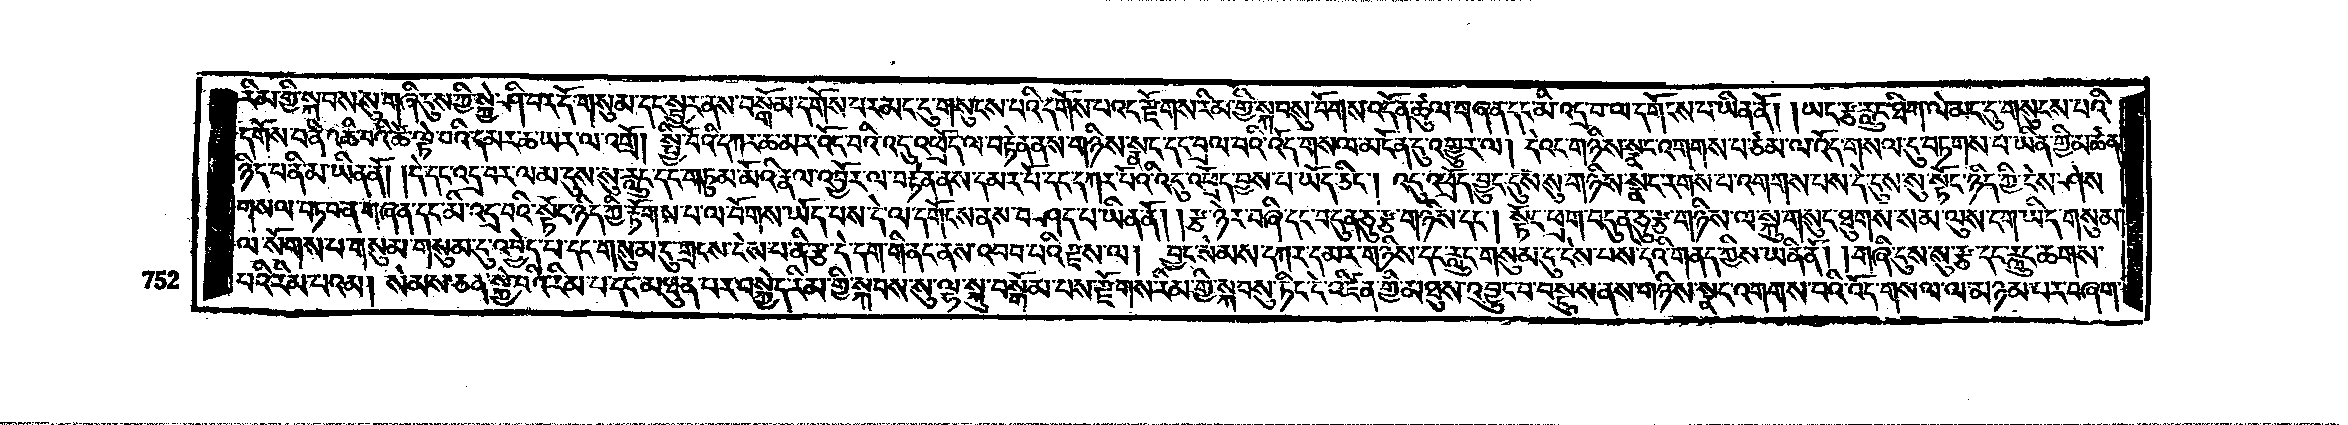རིམ་གྱི་སྐབས་སུ་གཞི་དུས་ཀྱི་སྐྱེ་ཤི་བར་དོ་གསུམ་དང་སྦྱར་ནས་བསྒོམ་དགོས་པར་མང་དུ་གསུངས་པའི་དགོས་པའང་རྫོགས་རིམ་གྱི་སྐབས་སུ་བོགས་འདོན་ཚུལ་གཞན་དང་མི་འདྲ་བ་ལ་དགོངས་པ་ཡིན་ནོ། །ཡང་རྩ་རླུང་ཐིག་ལེ་མང་དུ་གསུངས་པའི་
དགོས་པ་ནི་འཆི་བའི་ཚེ་ལྟེ་བའི་དམར་ཆ་ཡར་ལ་འགྲོ། སྤྱི་བོའི་དཀར་ཆ་མར་འོད་བའི་འདུ་འཕྲོད་ལ་བརྟེན་ནས་གཉིས་སྣང་དང་བྲལ་བའི་འོད་གསལ་མངོན་དུ་འགྱུར་ལ། དེའང་གཉིས་སྣང་འགགས་པ་ཙམ་ལ་འོད་གསལ་དུ་བཏགས་པ་ཡིན་གྱི་མཚན་
ཉིད་པ་ནི་མ་ཡིན་ནོ། །དེ་དང་འདྲ་བར་ལམ་དུས་སུ་རླུང་དང་གཏུམ་མོའི་རྣལ་འབྱོར་ལ་བརྟེན་ནས་དམར་པོ་དང་དཀར་པོའི་འདུ་འཕྲོད་བྱས་པ་ཡོད་ཅིང་། འདུ་འཕྲོད་བྱུང་དུས་སུ་གཉིས་སྣང་རགས་པ་འགགས་པས་དེ་དུས་སུ་སྟོང་ཉིད་ཀྱི་ངེས་ཤེས་
གསལ་བཏབ་ན་གཞན་དང་མེ་འདྲ་བའི་སྟོང་ཉིད་ཀྱི་རྟོགས་པ་ལ་བོགས་ཡོད་པས་དེ་ལ་དགོངས་ནས་བཤད་པ་ཡིན་ནོ། །རྩ་ཉེར་བཞི་དང་བདུན་ཅུ་རྩ་གཉིས་དང་། སྟོང་ཕྲག་བདུན་ཅུ་རྩ་གཉིས་ལ་སྐུ་གསུང་ཐུགས་སམ་ལུས་ངག་ཡིད་གསུམ་
ལ་སོགས་པ་གསུམ་གསུམ་དུ་འབྱེད་པ་དང་གསུམ་དུ་གྲངས་ངེས་པ་ནི་རྩ་དེ་དག་གི་ནང་ནས་འབབ་པའི་རྫས་ལ། བྱང་སེམས་དཀར་དམར་གཉིས་དང་རླུང་གསུམ་དུ་ངེས་པས་དེའི་གནད་ཀྱིས་ཡིན་ནོ། །གཞི་དུས་སུ་རྩ་དང་རླུང་ཆགས་
པའི་རིམ་པའམ། སེམས་ཅན་སྐྱེ་བའི་རིམ་པ་དང་མཐུན་པར་བསྐྱེད་རིམ་གྱི་སྐབས་སུ་ལྷ་སྐུ་བསྒོམ་པས་རྫོགས་རིམ་གྱི་སྐབས་སུ་ཏིང་ངེ་འཛིན་གྱི་མཐུས་འབྱུང་བ་བསྡུས་ནས་གཉིས་སྣང་འགགས་པའི་འོད་གསལ་ལ་མཉམ་པར་བཞག་